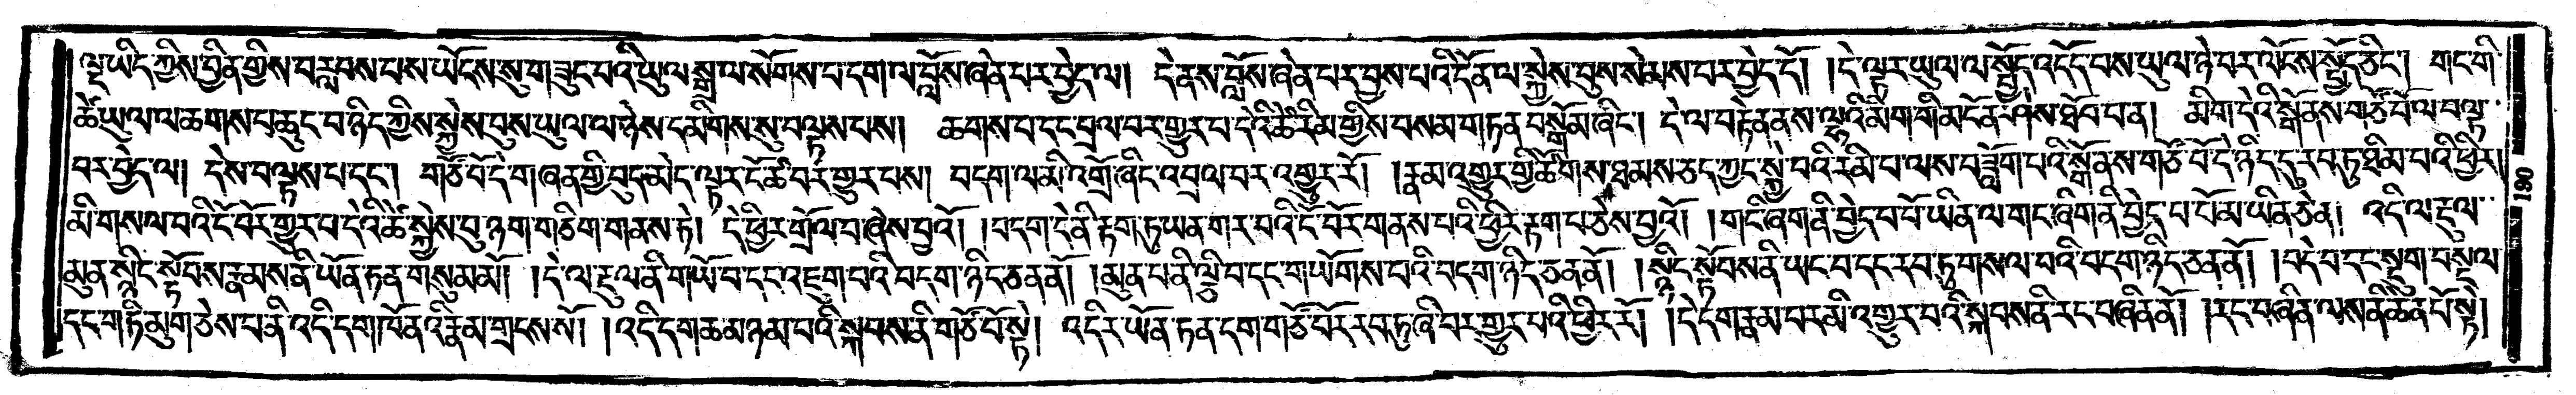ལྔ་ཡིད་ཀྱིས་བྱིན་གྱིས་བརླབས་པས་ཡོངས་སུ་གཟུང་བའི་ཡུལ་སྒྲ་ལ་སོགས་པ་དག་ལ་བློས་ཞེན་པར་བྱེད་ལ། དེ་ནས་བློས་ཞེན་པར་བྱས་པའི་དོན་ལ་སྐྱེས་བུས་སེམས་པར་བྱེད་དོ། །དེ་ལྟར་ཡུལ་ལ་སྤྱོད་འདོད་པས་ཡུལ་ཉེ་བར་ལོངས་སྤྱོད་ཅིང་། གང་གི་
ཚེ་ཡུལ་ལ་ཆགས་པ་ཆུང་བ་ཉིད་ཀྱིས་སྐྱེས་བུས་ཡུལ་ལ་ཉེས་དམིགས་སུ་བལྟས་པས། ཆགས་པ་དང་བྲལ་བར་གྱུར་པ་དེའི་ཚེ་རིམ་གྱིས་བསམ་གཏན་བསྒོམ་ཞིང་། དེ་ལ་བརྟེན་ནས་ལྷའི་མིག་གི་མངོན་ཤེས་ཐོབ་པ་ན། མིག་དེའི་སྒོ་ནས་གཙོ་བོ་ལ་བལྟ་
བར་བྱེད་ལ། དེས་བལྟས་པ་དང་། གཙོ་བོ་དེ་གཞན་གྱི་བུད་མེད་ལྟར་ངོ་ཚ་བར་གྱུར་པས། བདག་ལ་མི་འགྲོ་ཞིང་འབྲལ་བར་འགྱུར་རོ། །རྣམ་འགྱུར་གྱི་ཚོགས་ཐམས་ཅད་ཀྱང་སྐྱེ་བའི་རིམ་པ་ལས་བཟློག་པའི་སྒོ་ནས་གཙོ་བོ་དེ་ཉིད་དུ་རབ་ཏུ་ཐིམ་པའི་ཕྱིར།
མི་གསལ་བའི་ངོ་བོར་གྱུར་པ་དེའི་ཚེ་སྐྱེས་བུ་ཉག་གཅིག་གནས་ཏེ། དེ་ཕྱིར་གྲོལ་བ་ཞེས་བྱའོ། །བདག་དེ་ནི་རྟག་ཏུ་ཡན་གར་བའི་ངོ་བོར་གནས་པའི་ཕྱིར་རྟག་པ་ཅེས་བྱའོ། །གང་ཞིག་ནི་བྱེད་པ་པོ་ཡིན་ལ་གང་ཞིག་ནི་བྱེད་པ་པོ་མ་ཡིན་ཅེ་ན། འདི་ལ་རྡུལ་
མུན་སྙིང་སྟོབས་རྣམས་ནི་ཡོན་ཏན་གསུམ་མོ། །དེ་ལ་རྡུལ་ནི་གཡོ་བ་དང་འཇུག་པའི་བདག་ཉིད་ཅན་ནོ། །མུན་པ་ནི་ལྕི་བ་དང་གཡོགས་པའི་བདག་ཉིད་ཅན་ནོ། །སྙིང་སྟོབས་ནི་ཡང་པ་དང་རབ་ཏུ་གསལ་བའི་བདག་ཉིད་ཅན་ནོ། །བདེ་བ་དང་སྡུག་བསྔལ་
དང་གཏི་མུག་ཅེས་པ་ནི་འདི་དག་ཁོ་ནའི་རྣམ་གྲངས་སོ། །འདི་དག་ཆ་མཉམ་པའི་སྐབས་ནི་གཙོ་བོ་སྟེ། འདིར་ཡོན་ཏན་དག་གཙོ་བོར་རབ་ཏུ་ཞི་བར་གྱུར་པའི་ཕྱིར་རོ། །དེ་དག་རྣམ་པར་མི་འགྱུར་བའི་སྐབས་ནི་རང་བཞིན་ནོ། །རང་བཞིན་ལས་ནི་ཆེན་པོ་སྟེ།